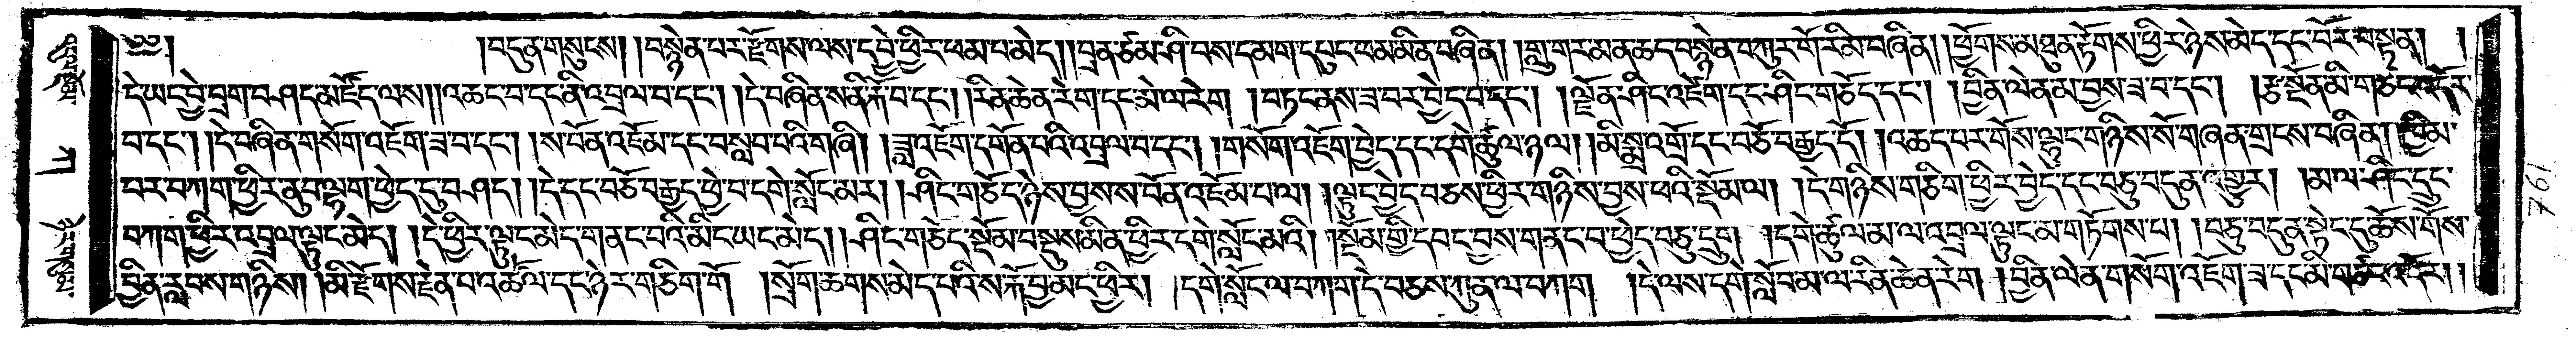༄༅། །བདུན་གསུངས། །བསྙེན་པར་རྫོགས་ལས་དབྱེ་ཕྱིར་ཕམ་པ་མེད། །བྲན་ཙམ་ཤི་བས་དམག་དཔུང་ཕམ་མིན་བཞིན། །གླུ་གར་མན་ཆད་བསྙེན་བཀུར་གོ་རིམ་བཞིན། །ཕྱོགས་མཐུན་རྟོགས་ཕྱིར་ཉེས་མེད་དང་པོར་བསྟན། །
དེ་ཡང་བྱེ་བྲག་བཤད་མཛོད་ལས། །འཆང་བ་དང་ནི་འབྲལ་བ་དང་། །དེ་བཞིན་ས་ནི་རྐོ་བ་དང་། །རིན་ཆེན་རེག་དང་མེ་ལ་རེག །བཏང་ནས་ཟ་བར་བྱེད་པ་དང་། །ལྗོན་ཤིང་འཛེག་དང་ཤིང་གཅོད་དང་། །བྱིན་ལེན་མ་བྱས་ཟ་བ་དང་། །རྩ་སྔོན་མི་གཙང་འདོར་
བ་དང་། །དེ་བཞིན་གསོག་འཇོག་ཟ་བ་དང་། །ས་བོན་འཇོམ་དང་བསླང་པའི་གཞི། །ཟླ་འཇོག་དགོན་པའི་འབྲལ་བ་དང་། །གསོག་འཇོག་བྱེད་དང་དགེ་ཚུལ་ཉལ། །མི་སྨྲ་འགྲོ་དང་བཅོ་བརྒྱད་དོ། །འཆད་པར་གོས་ལྷུང་གཉིས་སོ་གཞན་གྲངས་བཞིན། །ཁྱིམ་
པར་བཀག་ཕྱིར་ནུབ་ལྷག་ཕྱེད་དུ་བཤད། །དེ་དང་བཅོ་བརྒྱད་ཕྱེ་བ་དགེ་སློང་མར། །ཤིང་གཅོད་ཉེས་བྱས་ས་བོན་འཇོམ་པ་ལ། །ལྟུང་བྱེད་བཅས་ཕྱིར་གཉིས་བྱས་པའི་སྡོམ་ལ། །དེ་གཉིས་གཅིག་ཕྱིར་བྱེད་དང་བཅུ་བདུན་འགྱུར། །མ་ལ་ཤིང་དྲུང་
བཀག་ཕྱིར་འབྲལ་ལྟུང་མེད། །དེ་ཕྱིར་ལྟུང་མེད་གནང་བའི་མིང་ཡང་མེད། །ཤིང་གཅོད་སྡོམ་བསྡུས་མིན་ཕྱིར་དགེ་སློང་མའི། །སྡོམ་གྱི་དབང་བྱས་གནང་བ་ཕྱེད་བཅུ་དྲུག །དགེ་ཚུལ་མ་ལ་འབྲས་ལྟུང་མ་གཏོགས་པ། །བཅུ་བདུན་སྟེང་དུ་ཆོས་གོས་
བྱིན་རླབས་གཉིས། །མི་རྫོགས་རྗེན་པ་འཚོལ་དང་ཉེར་གཅིག་གོ །སྲོག་ཆགས་མེད་པའི་ས་རྐོ་བྱ་མང་ཕྱིར། །དགེ་སློང་ལ་བཀག་དེ་བཅས་ཀུན་ལ་བཀག །དེ་ལས་དགེ་སློབ་མ་ལ་རིན་ཆེན་རེག །བྱིན་ལེན་གསོག་འཇོག་ཟ་དང་མི་གཙང་འདོར།།